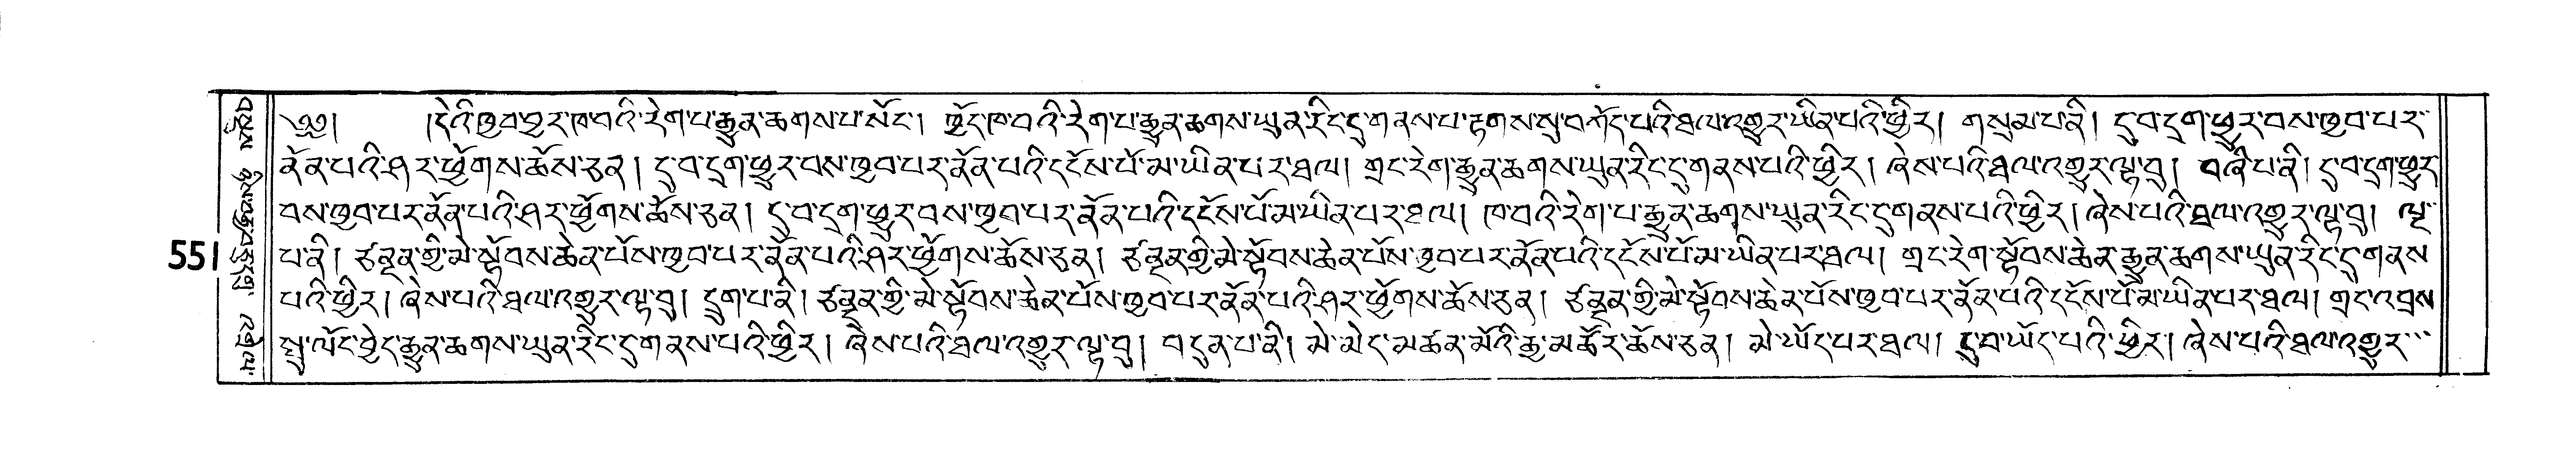༄༅། །དེའི་ཁྱབ་བྱར་ཁ་བའི་རེག་པ་རྒྱུན་ཆགས་པ་སོང་། ཁྱོད་ཁ་བའི་རེག་པ་རྒྱུན་ཆགས་ཡུན་རིང་དུ་གནས་པ་རྟགས་སུ་བཀོད་པའི་ཐལ་འགྱུར་ཡིན་པའི་ཕྱིར། གསུམ་པ་ནི། དུ་བ་དྲག་ཕྱུར་བས་ཁྱབ་པར་
ནོན་པའི་ཤར་ཕྱོགས་ཆོས་ཅན། དུ་བ་དྲག་ཕྱུར་བས་ཁྱབ་པར་ནོན་པའི་དངོས་པོ་མ་ཡིན་པར་ཐལ། གྲང་རེག་རྒྱུན་ཆགས་ཡུན་རིང་དུ་གནས་པའི་ཕྱིར། ཞེས་པའི་ཐལ་འགྱུར་ལྟ་བུ། བཞི་པ་ནི། དུ་བ་དྲག་ཕྱུར་
བས་ཁྱབ་པར་ནོན་པའི་ཤར་ཕྱོགས་ཆོས་ཅན། དུ་བ་དྲག་ཕྱུར་བས་ཁྱབ་པར་ནོན་པའི་དངོས་པོ་མ་ཡིན་པར་ཐལ། ཁ་བའི་རེག་པ་རྒྱུན་ཆགས་ཡུན་རིང་དུ་གནས་པའི་ཕྱིར། ཞེས་པའི་ཐལ་འགྱུར་ལྟ་བུ། ལྔ་
པ་ནི། ཙནྡན་གྱི་མེ་སྟོབས་ཆེན་པོས་ཁྱབ་པར་ནོན་པའི་ཤར་ཕྱོགས་ཆོས་ཅན། ཙནྡན་གྱི་མེ་སྟོབས་ཆེན་པོས་ཁྱབ་པར་ནོན་པའི་དངོས་པོ་མ་ཡིན་པར་ཐལ། གྲང་རེག་སྟོབས་ཆེན་རྒྱུན་ཆགས་ཡུན་རིང་དུ་གནས་
པའི་ཕྱིར། ཞེས་པའི་ཐལ་འགྱུར་ལྟ་བུ། དྲུག་པ་ནི། ཙནྡན་གྱི་མེ་སྟོབས་ཆེན་པོས་ཁྱབ་པར་ནོན་པའི་ཤར་ཕྱོགས་ཆོས་ཅན། ཙནྡན་གྱི་མེ་སྟོབས་ཆེན་པོས་ཁྱབ་པར་ནོན་པའི་དངོས་པོ་མ་ཡིན་པར་ཐལ། གྲང་འབྲས་
སྤུ་ལོང་བྱེད་རྒྱུན་ཆགས་ཡུན་རིང་དུ་གནས་པའི་ཕྱིར། ཞེས་པའི་ཐལ་འགྱུར་ལྟ་བུ། བདུན་པ་ནི། མེ་མེད་མཚན་མོའི་རྒྱ་མཚོར་ཆོས་ཅན། མེ་ཡོད་པར་ཐལ། དུ་བ་ཡོད་པའི་ཕྱིར། ཞེས་པའི་ཐལ་འགྱུར་